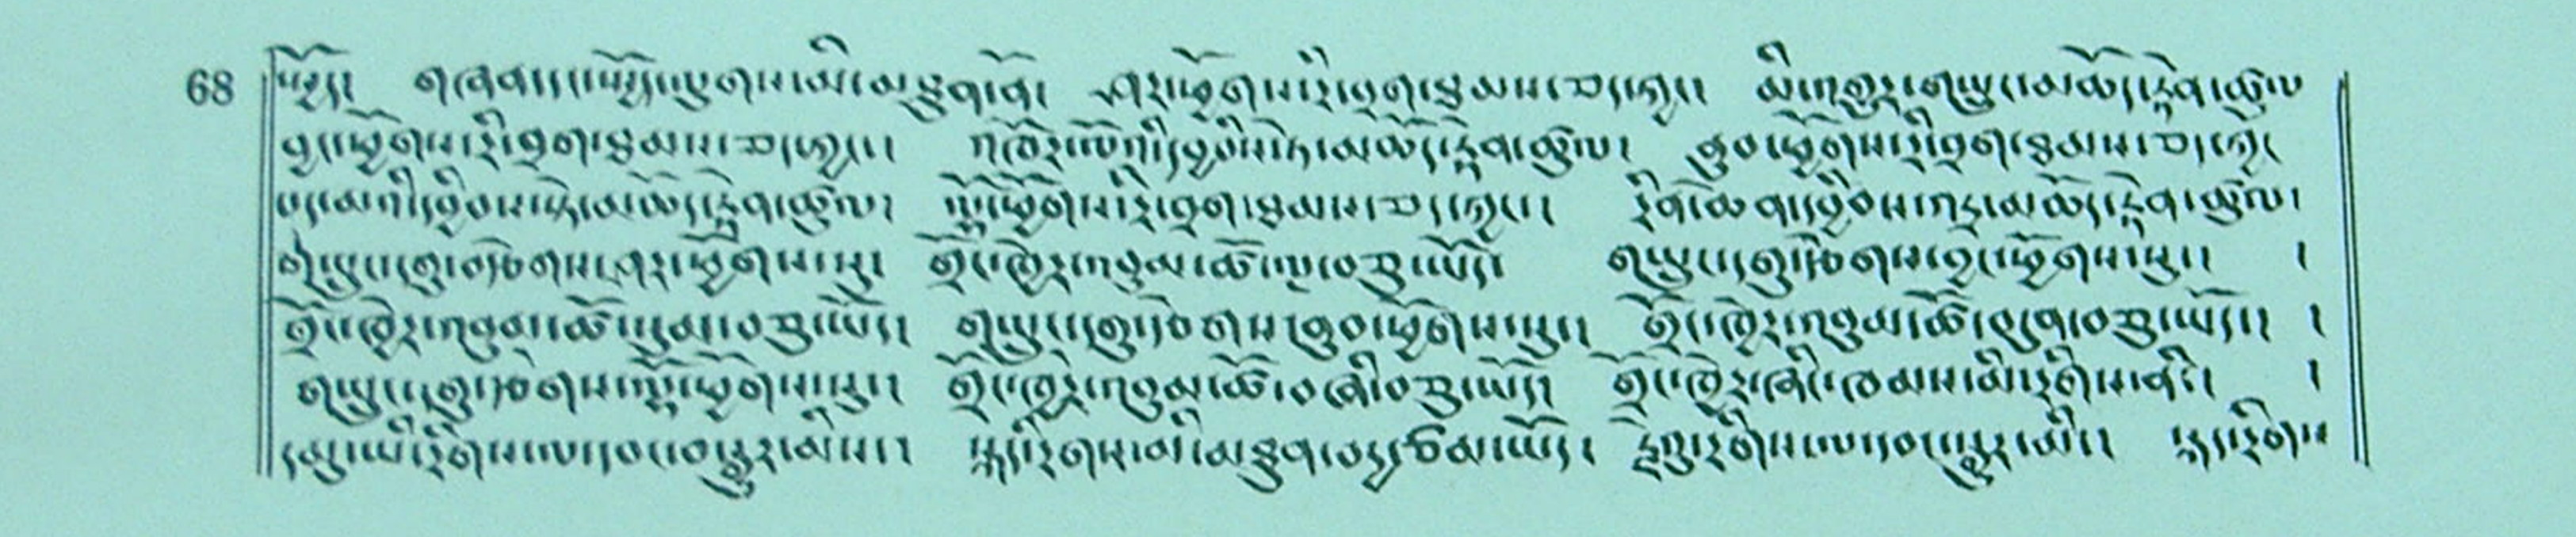སྤྱོད། གཞན་དང་སྤྱོད་ལུགས་མི་མཐུན་ནོ། །ཤར་ཕྱོགས་རི་བྲག་ཐམས་ཅད་ནི། མི་འགྱུར་གཡུང་དྲུང་མཆོད་རྟེན་ཚུལ། 
བྱང་ཕྱོགས་རི་བྲག་ཐམས་ཅད་ནི། འཁོར་ལོའི་དབྱིབས་དང་མཆོད་རྟེན་ཚུལ། ནུབ་ཕྱོགས་རི་བྲག་ཐམས་ཅད་ནི། 
པད་མའི་དབྱིབས་དང་མཆོད་རྟེན་ཚུལ། ལྷོ་ཕྱོགས་རི་བྲག་ཐམས་ཅད་ཀྱང་། རིན་ཆེན་དབྱིབས་དང་མཆོད་རྟེན་ཚུལ། 
གཡུང་དྲུང་དགུ་བརྩེགས་ཤར་ཕྱོགས་སུ། གྲོང་ཁྱེར་འབུམ་ཚོ་ལྔ་བཅུ་ཡོད། གཡུང་དྲུང་དགུ་བརྩེགས་བྱང་ཕྱོགས་སུ།
 གྲོང་ཁྱེར་འབུམ་ཚོ་སུམ་བཅུ་ཡོད། གཡུང་དྲུང་དགུ་བརྩེགས་ནུབ་ཕྱོགས་སུ། གྲོང་ཁྱེར་འབུམ་ཚོ་བདུན་བཅུ་ཡོད།
 གཡུང་དྲུང་དགུ་བརྩེགས་ལྷོ་ཕྱོགས་སུ། གྲོང་ཁྱེར་འབུམ་ཚོ་བཞི་བཅུ་ཡོད། གྲོང་ཁྱེར་ཞིང་ཁམས་མི་རིགས་ནི། 
དམུ་ཡི་རིགས་ལ་དབང་བསྒྱུར་མིས། སྐད་རིགས་མི་མཐུན་བརྒྱའ་ཙམ་ཡོད། རྗེའུ་རིགས་དག་ལ་དབང་བསྒྱུར་མི། སྐད་རིགས་